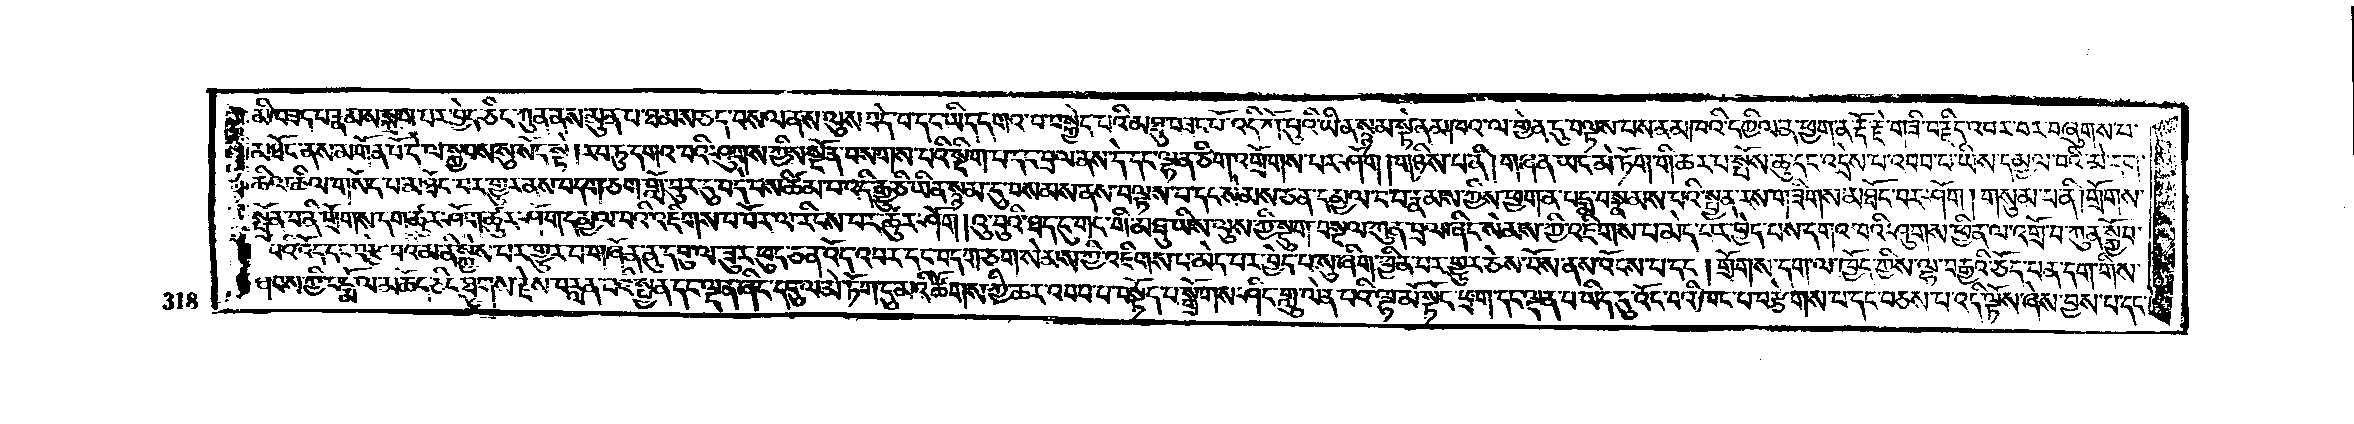མི་བསད་པ་རྣམས་སྐྲག་པར་བྱེད་ཅིང་ཀུན་ནས་མུན་པ་ཐམས་ཅད་བསལ་ནས་ལུས་བདེ་བ་དང་ཡིད་དགའ་བ་བསྐྱེད་པའི་མཐུ་བཟང་པོ་འདི་ཀོ་པུའི་ཡིན་སྙམ་སྟེ་ནམ་མཁའ་ལ་གྱེན་དུ་བལྟས་པས་ནམ་མཁའི་དཀྱིལ་ན་ཕྱག་ན་རྡོ་རྗེ་གཟི་བརྗིད་འབར་བར་བཞུགས་པ་
མཐོང་ནས་མགོན་པོ་དེ་ལ་སྐྱབས་སུ་སོང་སྟེ། རབ་ཏུ་དགའ་བའི་ཤུགས་ཀྱིས་སྔོན་བསགས་པའི་སྡིག་པ་དང་བྲལ་ནས་དེ་དང་ལྷན་ཅིག་འགྲོགས་པར་ཤོག །གཉིས་པ་ནི། གཞན་ཡང་མེ་ཏོག་གི་ཆར་པ་སྤོས་ཆུ་དང་འདྲེས་པ་འབབ་པ་ཡིས་དམྱལ་བའི་མེ་དག་
ཆིལ་ཆིལ་གསོད་པ་མཐོང་བར་གྱུར་ནས་བདག་ཅག་གློ་བུར་དུ་བདེ་བས་ཚིམ་པ་འདི་རྒྱུ་ཅི་ཡིན་སྙམ་དུ་བསམས་ནས་བལྟས་པ་དང་སེམས་ཅན་དམྱལ་བ་པ་རྣམས་ཀྱིས་ཕག་ན་པདམ་བསྣམས་པའི་སྤྱན་རས་གཟིགས་མཐོང་བར་ཤོག །གསུམ་པ་ནི། གྲོགས་
སྤྲོན་པ་ནི་གྲོགས་དག་ཚུར་ཤོག་ཚུར་ཤོག་དམྱལ་བའི་འཇིགས་པ་པོར་ལ་རིངས་པར་ཚུར་ཤོག །འུ་བུའི་ཐད་དུ་གང་གི་མཐུ་ཡིས་ལུས་ཀྱི་སྡུག་བསྔལ་ཀུན་བྲལ་ཞིང་སེམས་ཀྱི་འཇིགས་པ་མེད་པར་བྱེད་པས་དགའ་བའི་ཤུགས་ཕྱིན་ལ་འགྲོ་བ་ཀུན་སྐྱོབ་
པའི་འོད་དང་བརྩེ་བའི་མ་ནི་སྐྱེས་པར་གྱུར་པ་གཞོན་ནུ་དབུ་ལ་ཟུར་ཕུང་ཅན་འོད་འབར་དང་བདག་ཅག་སེམས་ཀྱི་འཇིགས་པ་མེད་པར་བྱེད་པ་སུ་ཞིག་ཕྱིན་པར་གྱུར་ཅེས་བོས་ནས་འོངས་པ་དང་། གྲོགས་དག་ལ་ཁྱོད་ཀྱིས་ལྷ་བརྒྱའི་ཆོད་པན་དག་གིས་
ཞབས་ཀྱི་པདམོ་ལ་མཆོད་ཅིང་ཐུགས་རྗེས་བརླན་པའི་སྤྱན་དང་ལྡན་ཞིང་དབུ་ལ་མེ་ཏོག་དུ་མའི་ཚོགས་ཀྱི་ཆར་འབབ་པ་བསྟོད་པ་སྒྲོགས་ཤིང་གླུ་ལེན་པའི་ལྷ་མོ་སྟོང་ཕྲག་དང་ལྡན་པ་ཡིད་དུ་འོང་བའི་ཁང་པ་བརྩེགས་པ་དང་བཅས་པ་འདི་ལྟོས་ཞེས་བྱས་པ་དང་